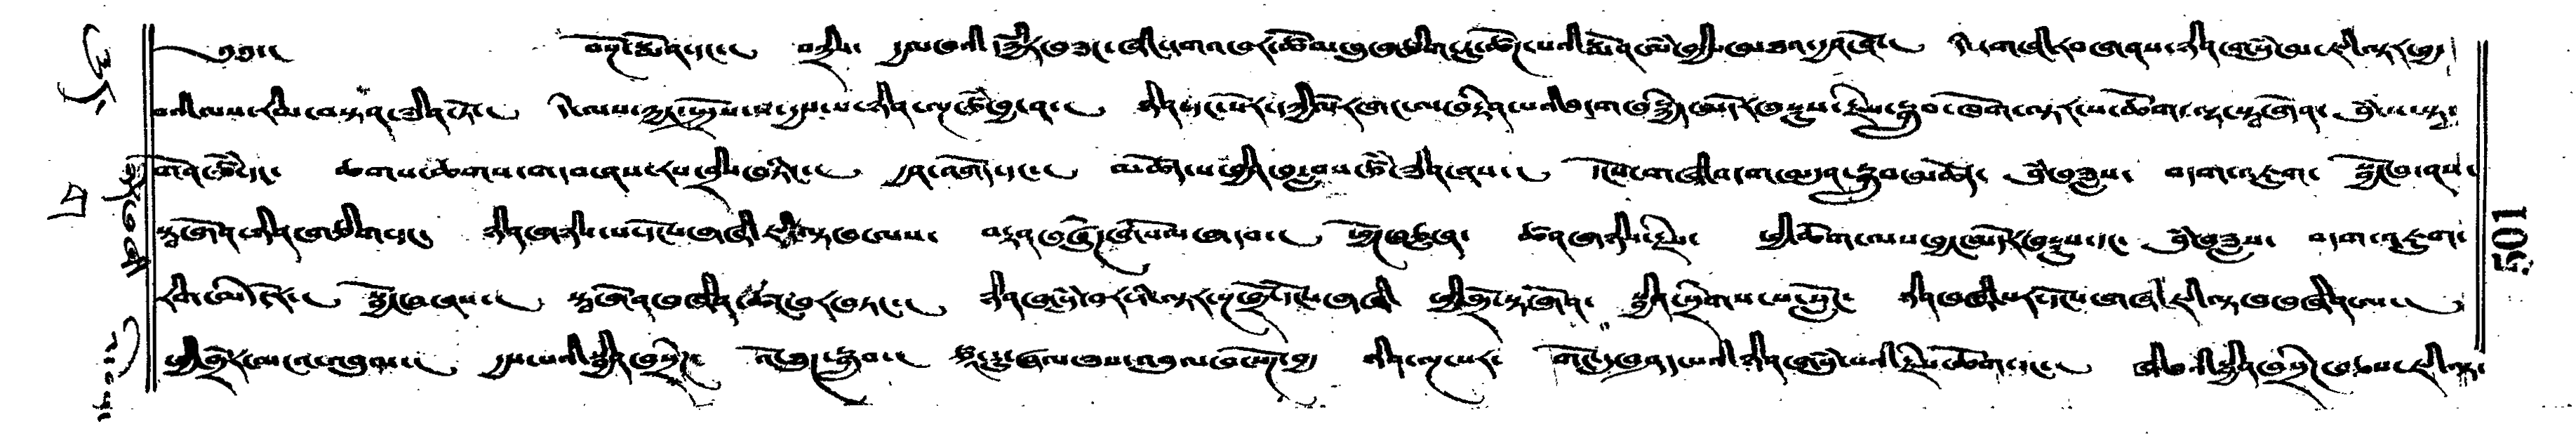བསྔོ་སྨོན་དང་། བཀྲ་ཤིས། རྒྱལ་བའི་དཀྱིལ་འཁོར་བཟང་ཞིང་དགའ་བར་ཚོམ་བུ་གཅིག་ཏུ་ཚོགས་པའི་སྨོན་ལམ་གྱིས་མཐའ་རྒྱན་ནོ། དེ་དག་ནི་རབ་གནས་ཉིན་གསུམ་མ་ཇི་ལྟར་བྱ་
བའི་ལས་རིམ་བསྟན་ཟིན་ཏོ། དེ་ལས་ཀྱང་སྤྲོས་པ་རྒྱས་པ་ཉིན་ལྔ་ཙམ་བྱ་ན། ཉིན་དང་པོར་དཀྱིལ་འཁོར་གང་ལ་བརྟེན་པའི་བདག་བསྐྱེད་མདོར་བསྡུས་རྗེས་སྒྲུབ་ཁོག་ལྟར་ས་ཆོག ལྷ་སྟ་གོན། བུམ་པ་སྟ་
གོན་ཙམ་དང་། ཆག་ཆག་གདབ་ནས་རས་བྲིས་བཏིང་། རྒྱན་འགོད་དང་། མཆོད་པ་བྱིན་བརླབས་ཙམ་ཟིན་ནས། དངོས་གཞི་བདག་མདུན་སྒྲུབ་མཆོད། བུམ་བཟླས། བདག་འཇུག སྦྱོང་བ་ནས་
སྟ་གོན་ཉིན་གཅིག་དང་། ཉིན་གཉིས་པ་དངོས་གཞི་ཇི་ལྟ་བ་ལས། བརྟན་བཞུགས་གསོལ་གདབ། ཕྱོགས་བཅུ་ན་ཚར་གཉིས་རྗེས། ཕྱི་ཆོག་ལས་བྱང་མདོར་བསྡུས་དང་། བུམ་བཟླས། བདག་འཇུག་
རིག་མེ་དོར། སྦྱོང་བ་ནས། སྟྭ་གོན་བཞིན་ཚང་བར་བཏང་། ཉིན་གསུམ་བར་དེ་ལྟར་སྔ་གྲོ་དངོས་གཞི། ཕྱི་གྲོ་སྟ་གོན། སྦྱིན་སྲེག་ས་སློང་། ཉིན་བཞི་པར་དངོས་གཞི་ཇི་ལྟ་བ་བཞིན་ལ། 
ཕྱི་གྲོར་མངའ་འབུལ། རྒྱས་པའི་སྦྱིན་བསྲེག འོ་ཐུག་སྒྲུབ། ཙཱ་རུའི་ཞལ་ཟས་འབུལ་བ་སོགས་བྱ། ཉིན་ལྔ་པར། གོང་དུ་བཤད་པའི་ཉིན་གསུམ་པའི་རྗེས་ཆོག་དང་། ཞི་བའི་སྦྱིན་བསྲེག་བཅས་ཇི་ལྟ་